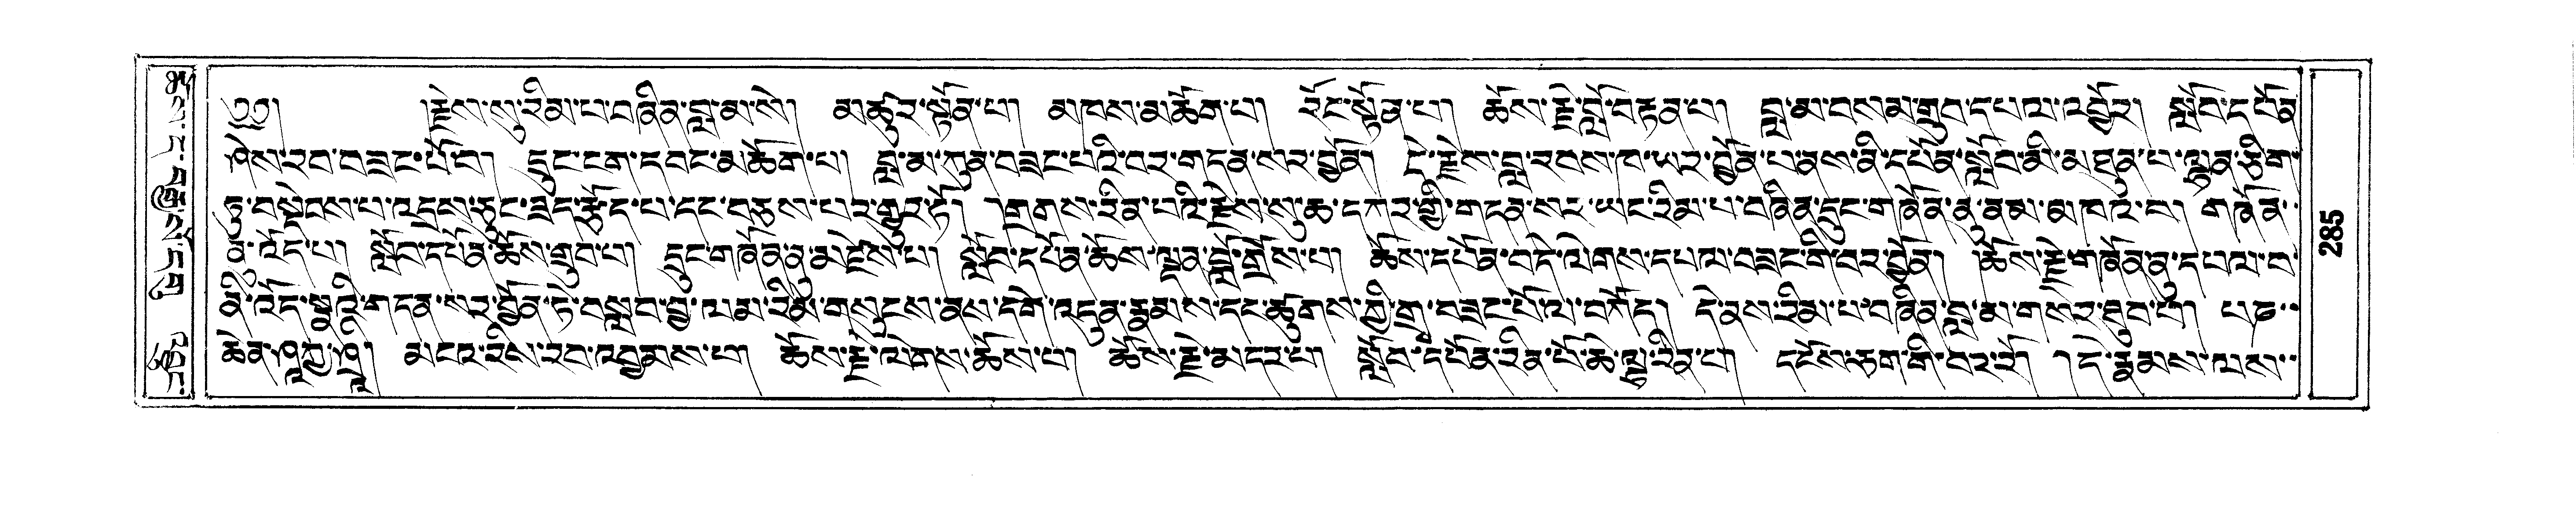༄༅། །རྗེས་སུ་རིམ་པ་བཞིན་བླ་མ་སེ། མཚུར་སྟོན་པ། མཁས་མཆོག་པ། རོང་སྟོན་པ། ཆོས་རྗེ་བློ་བརྟན་པ། བླ་མ་བསམ་གྲུབ་དཔལ་འབྱོར། སློབ་དབོན་
ཤེས་རབ་བཟང་པོ་བ། དྲུང་ངག་དབང་མཆོག་པ། བླ་མ་ཀུན་བཟང་པའི་བར་གདན་སར་བྱོན། དེ་རྗེས་བླ་རབས་ཁ་ཡར་བྱོན་པ་ནས་ནི་དཔོན་སློབ་མི་མཐུན་པ་ལྷན་ཅིག་
ཏུ་བསྡེབས་པ་འདྲས་ཅུང་ཟད་རྩོད་པ་དང་བཅས་པར་གྱུར་ཏོ། །གྲགས་རིན་པའི་རྗེས་སུ་ཆ་དཀར་གྱི་གདན་སར་ཡང་རིམ་པ་བཞིན་དྲུང་གཞོན་ནུ་ནམ་མཁའ་བ། གཞོན་
ནུ་འོད་པ། སློབ་དཔོན་ཆོས་གྲུབ་པ། དྲུང་གཞོན་ནུ་མཛེས་པ། སློབ་དཔོན་ཆོས་ལྡན་བློ་གྲོས་པ། ཆོས་དཔོན་བདེ་ལེགས་དཔལ་བཟང་གི་བར་བྱོན། །ཆོས་རྗེ་གཞོན་ནུ་དཔལ་བ་
ནི་འོད་སྣའི་གདན་སར་བྱོན་ཏེ་བསླབ་བྱ་ལམ་རིམ་གསུངས་ནས་དགེ་འདུན་རྣམས་དང་ཚུགས་ཀྱི་གྲྭ་བཟང་པོ་ལ་བཀོད། དེ་ནས་རིམ་པ་བཞིན་བླ་མ་གསར་ཐུབ་པ། པཎ་
ཆེན་ཤཱཀྱ་ཤྲཱི། མངའ་རིས་རབ་འབྱམས་པ། ཆོས་རྗེ་ལེགས་ཆོས་པ། ཆོས་རྗེ་མདར་པ། སློབ་དཔོན་རིན་པོ་ཆེ་ལྷ་རིན་པ། དངོས་ཅག་གི་བར་རོ། །དེ་རྣམས་ལས་